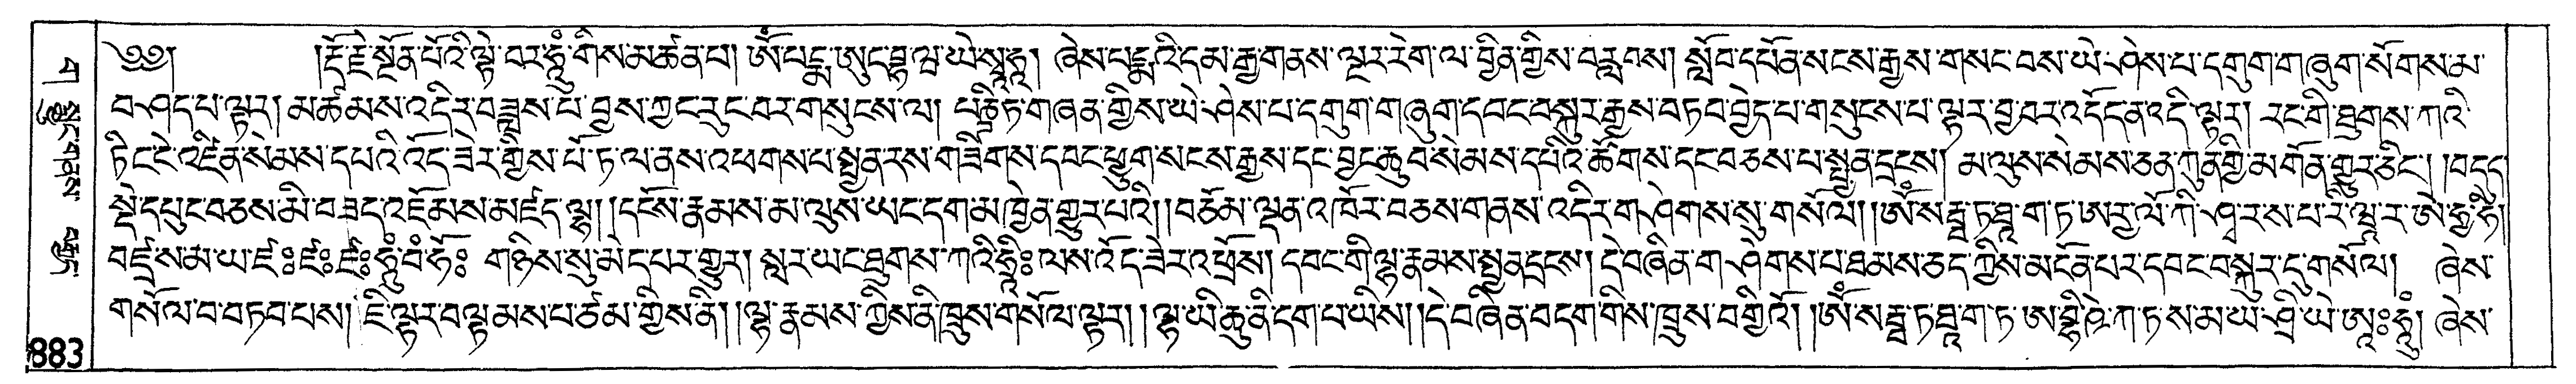༄༅། །རྡོ་རྗེ་སྔོན་པོའི་ལྟེ་བར་ཧཱུཾ་གིས་མཚན་པ། ཨོཾ་པདམ་ཨུད་བྷ་ཝ་ཡེ་སྭཱཧཱ། ཞེས་པདམའི་དམ་རྒྱ་གནས་ལྔར་རེག་ལ་བྱིན་གྱིས་བརླབས། སློབ་དཔོན་སངས་རྒྱས་གསང་བས་ཡེ་ཤེས་པ་དགུག་གཞུག་སོགས་མ་
བཤད་པ་ལྟར། མཚམས་འདིར་བཟླས་པ་བྱས་ཀྱང་རུང་བར་གསུངས་ལ། པཎྚི་ཏེ་གཞན་གྱིས་ཡེ་ཤེས་པ་དགུག་གཞུག་དབང་བསྐུར་རྒྱས་བཏབ་བྱེད་པ་གསུངས་པ་ལྟར་བྱ་བར་འདོད་ན་འདི་ལྟར། རང་གི་ཐུགས་ཀའི་
ཏིང་ངེ་འཛིན་སེམས་དཔའི་འོད་ཟེར་གྱིས་པོ་ཏ་ལ་ནས་འཕགས་པ་སྤྱན་རས་གཟིགས་དབང་ཕྱུག་སངས་རྒྱས་དང་བྱང་ཆུབ་སེམས་དཔའི་ཚོགས་དང་བཅས་པ་སྤྱན་དྲངས། མ་ལུས་སེམས་ཅན་ཀུན་གྱི་མགོན་གྱུར་ཅིང་། །བདུད་
སྡེ་དཔུང་བཅས་མི་བཟད་འཇོམས་མཛད་ལྷ། །དངོས་རྣམས་མ་ལུས་ཡང་དག་མཁྱེན་གྱུར་པའི། །བཅོམ་ལྡན་འཁོར་བཅས་གནས་འདིར་གཤེགས་སུ་གསོལ། །ཨོཾ་སརྦྦ་ཏ་ཐཱ་ག་ཏ་ཨརྱ་ལོ་ཀི་ཤྭ་ར་ས་པ་རི་ཝཱ་ར་ཨེ་ཧྱ་ཧི།
བཛྲ་ས་མ་ཡ་ཛཿ ཛཿ ཛཿ ཧཱུཾ་བཾ་ཧོཿ གཉིས་སུ་མེད་པར་གྱུར། སླར་ཡང་ཐུགས་ཀའི་ཧྲཱིཿ ལས་འོད་ཟེར་འཕྲོས། དབང་གི་ལྷ་རྣམས་སྤྱན་དྲངས། དེ་བཞིན་གཤེགས་པ་ཐམས་ཅད་ཀྱིས་མངོན་པར་དབང་བསྐུར་དུ་གསོལ། ཞེས་
གསོལ་བ་བཏབ་པས། ཇི་ལྟར་བལྟམས་པ་ཙམ་གྱིས་ནི། །ལྷ་རྣམས་ཀྱིས་ནི་ཁྲུས་གསོལ་ལྟར། །ལྷ་ཡི་ཆུ་ནི་དག་པ་ཡིས། །དེ་བཞིན་བདག་གིས་ཁྲུས་བགྱིའོ། །ཨོཾ་སརྦྦ་ཏ་ཐཱ་ག་ཏ་ཨ་བྷི་ཥེ་ཀ་ཏ་ས་མ་ཡ་ཤྲི་ཡེ་ཨཱཿ ཧཱུཾ། ཞེས་